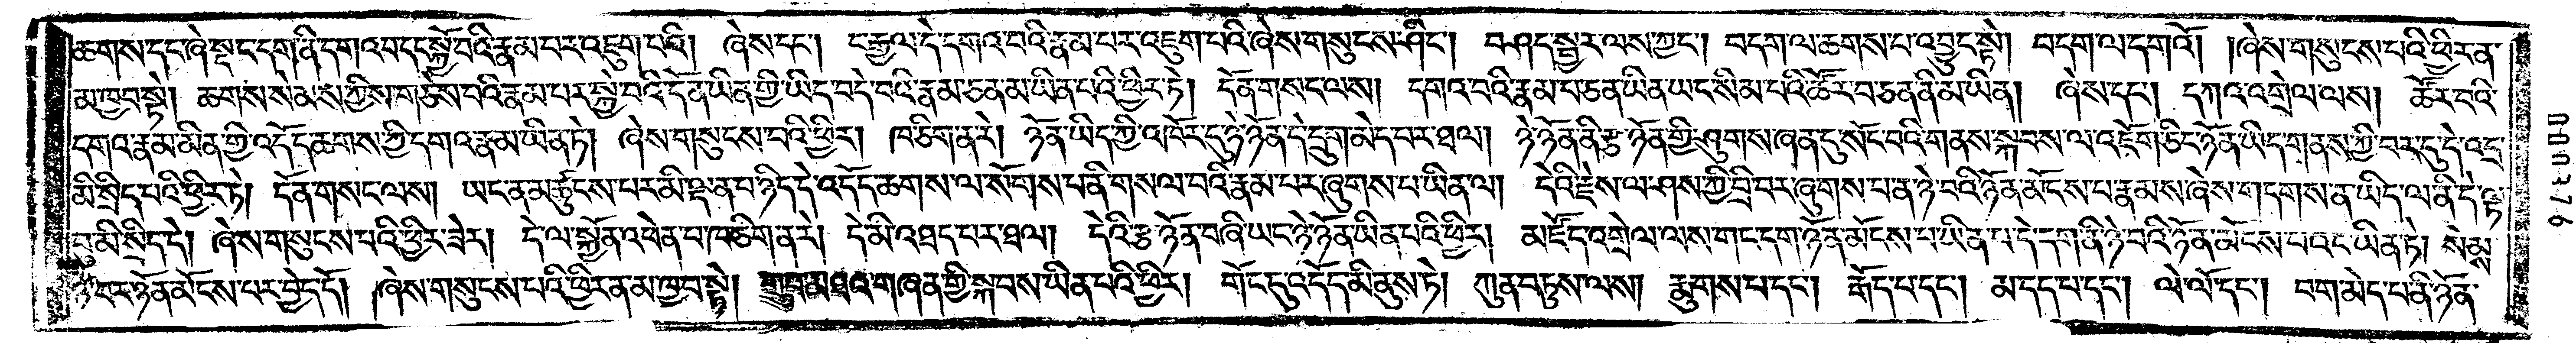ཆགས་དང་ཞེ་སྡང་དག་ནི་དགའ་བ་དང་སྐྱོ་བའི་རྣམ་པར་འཇུག་བའི། ཞེས་དང་། ང་རྒྱལ་དེ་དགའ་བའི་རྣམ་པར་འཇུག་པའི་ཞེས་གསུངས་ཤིང་། བཤད་སྦྱར་ལས་ཀྱང་། བདག་ལ་ཆགས་པ་འབྱུང་སྟེ། བདག་ལ་དགའོ། །ཞེས་གསུངས་?
མ་ཁྱབ་སྟེ། ཆགས་སེམས་ཀྱིས་གཅེས་པའི་རྣམ་པར་སྐྱེ་བའི་དོན་ཡིན་གྱི་ཡིད་བདེ་བའི་རྣམ་ཅན་མ་ཡིན་པའི་ཕྱིར་ཏེ། དོན་གསང་ལས། དགའ་བའི་རྣམ་པ་ཅན་ཡིན་ཡང་སིམ་པའི་ཚོར་བ་ཅན་ནི་མ་ཡིན། ཞེས་དང་། དཀའ་འགྲེལ་ལས། ?་བའི་
དགའ་རྣམ་མིན་གྱི་འདོད་ཆགས་ཀྱི་དགའ་རྣམ་ཡིན་ཏེ། །ཞེས་གསུངས་པའི་ཕྱིར། ཁ་ཅིག་ན་རེ། ཉོན་ཡིད་ཀྱི་འཁོར་དུ་ཉེ་ཉོན་དེ་དྲུག་མེད་པར་ཐལ། ཉེ་ཉོན་ནི་རྩ་ཉོན་གྱི་ཤུགས་ཞན་དུ་སོང་བའི་གནས་སྐབས་ལ་འཇོག་ཅིང་ཉོན་ཡིད་གནས་ཀྱི་བར་དུ་དེ་འདྲ་
མི་སྲིད་པའི་ཕྱིར་ཏེ། དོན་གསང་ལས། ཡང་ན་མཚུངས་པར་མི་ལྡན་བ་ཉིད་དེ་འདོད་ཆགས་ལ་སོགས་པ་ནི་གསལ་བའི་རྣམ་པར་ཞུགས་པ་ཡིན་ལ། དེའི་རྗེས་ལ་ཤས་ཀྱི་བྲི་བར་ཞུགས་པ་ན་ཉེ་བའི་ཉོན་མོངས་པ་རྣམས་ཞེས་གདགས་ན་ཡིད་ལ་ནི་དེ་ལྟ་
བུ་མི་སྲིད་དེ། ཞེས་གསུངས་པའི་ཕྱིར་ཟེར། དེ་ལ་སྐྱོན་འཕེན་པ་ཁ་ཅིག་ན་རེ། དེ་མི་འཐད་པར་ཐལ། དེའི་རྩ་ཉོན་བཞི་ཡང་ཉེ་ཉོན་ཡིན་པའི་ཕྱིར། མཛོད་འགྲེལ་ལས་གང་དག་ཉོན་མོངས་པ་ཡིན་པ་དེ་དག་ནི་ཉེ་བའི་ཉོན་མོངས་པའང་ཡིན་ཏེ། སེམས་
ཉེ་བར་ཉོན་མོངས་པར་བྱེད་དོ། །ཞེས་གསུངས་པའི་ཕྱིར་ན་མ་ཁྱབ་སྟེ། གྲུབ་མཐའ་གཞན་གྱི་སྐབས་ཡིན་པའི་ཕྱིར། གོང་དུ་འདོད་མི་ནུས་ཏེ། ཀུན་བཏུས་ལས། རྨུགས་པ་དང་། རྒོད་པ་དང་། མ་དད་པ་དང་། ལེ་ལོ་དང་། བག་མེད་པ་ནི་ཉོན་